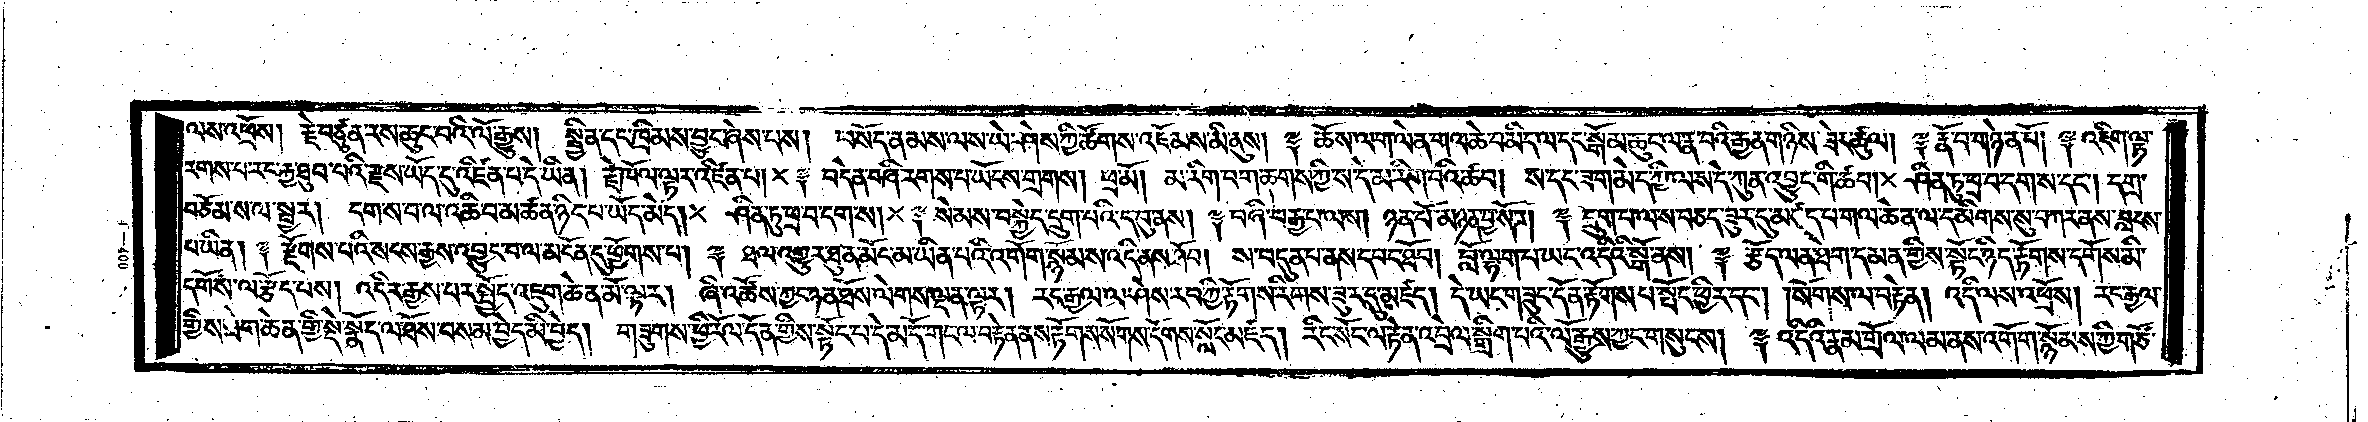ལས་འཕྲོས། རྗེ་བཙུན་རས་ཆུང་བའི་ལོ་རྒྱུས། སྦྱིན་དང་ཁྲིམས་བྱུང་ཞེས་པས། བསོད་ནམས་ལས་ཡེ་ཤེས་ཀྱི་ཚོགས་འཇོམས་མི་ནུས། ༈ ཆོས་ལག་ལེན་གལ་ཆེ་བ་མིད་ལ་དང་སྒོམ་ཆུང་ལ་རྣ་བའི་རྒྱན་གཉིས་ཟེར་ཚུལ། ༈ རྣོ་བ་གཉེན་པོ། ༈ འཇིག་ལྟ་
རགས་པ་རང་རྐྱ་ཐུབ་པའི་རྫས་ཡོད་དུ་འཛིན་པ་དེ་ཡིན། རྗེ་ཁོལ་ལྟར་འཛིན་པ། ྾་༈ བདེན་བཞི་རགས་པ་ཡོངས་གྲགས། ཕྲ་མོ། མ་རིག་བག་ཆགས་ཀྱི་ས་དེ་མ་རིག་པའི་ཚབ། ས་དང་ཟག་མེད་ཀྱི་ལས་དེ་ཀུན་འབྱུང་གི་ཚབ། ྾་ཤིན་ཏུ་ཕྲ་བ་དག་ས་དང་། དགྲ་
བཅོམ་ས་ལ་སྦྱར། དག་ས་བ་ལ་འཆི་བ་མཚན་ཉིད་པ་ཡོད་མེད། ྾་ཤིན་ཏུ་ཕྲ་བ་དག་ས། ྾་༈ སེམས་བསྐྱེད་དྲུག་པའི་དབུ་ནས། ༈ བཞི་བརྒྱ་པ་ལས། ཉན་པོ་མཉམ་བྱ་སོཌ། ༈ དྲུག་པ་ལས་བཅད་ཟུར་དུ་མཛད་པ་གལ་ཆེན་ལ་དམིགས་སུ་བཀར་ནས་བླངས་
པ་ཡིན། ༈ རྫོགས་པའི་སངས་རྒྱས་འབྱུང་བ་ལ་མངོན་དུ་ཕྱོགས་པ། ༈ ཐལ་འགྱུར་ཐུན་མོང་མ་ཡིན་པའི་འགོག་སྙོམས་འདི་ནས་ཐོབ། ས་བདུན་པ་ནས་དབང་ཐོབ། བློ་ལྷག་པ་ཡང་འདིའི་སྒོ་ནས། ༈ རྩོད་ལན་ཐེག་དམན་གྱིས་སྟོང་ཉིད་རྟོགས་དགོས་མི་
དགོས་ལ་རྩོད་པས། འདིར་རྒྱས་པར་སྤྱོད་འཇུག་ཆེན་མོ་ལྟར། ཞི་འཚོས་ཀྱང་ཉན་ཐོས་ལེགས་ལྡན་ལྟར། རང་རྒྱལ་ལ་ཤེས་རབ་ཀྱི་རྟོགས་རིགས་ཟུར་དུ་མཛད། དེ་ཡང་གཟུང་དོན་རྟོགས་པ་སྤོང་ཕྱིར་དང་། །སོགས་ལ་བརྟེན། འདི་ལས་འཕྲོས། རང་རྒྱལ་
གྱིས་ཐེག་ཆེན་གྱི་སྡེ་སྣོད་ལ་ཐོས་བསམ་བྱེད་མི་བྱེད། གཟུགས་ཕྱི་རོལ་དོན་གྱིས་སྟོང་པ་དེ་མདོ་གང་ལ་བརྟེན་ནས་རྟོགས་སོགས་དོགས་སློང་མཛད། རིང་སོང་ལ་རྟེན་འབྲེལ་སྒྲིག་པའི་ལོ་རྒྱུས་ཀྱང་གསུངས། ༈ འདིའི་རྣམ་གྲོལ་ལམ་ནས་འགོག་སྙོམས་ཀྱི་གཙོ་